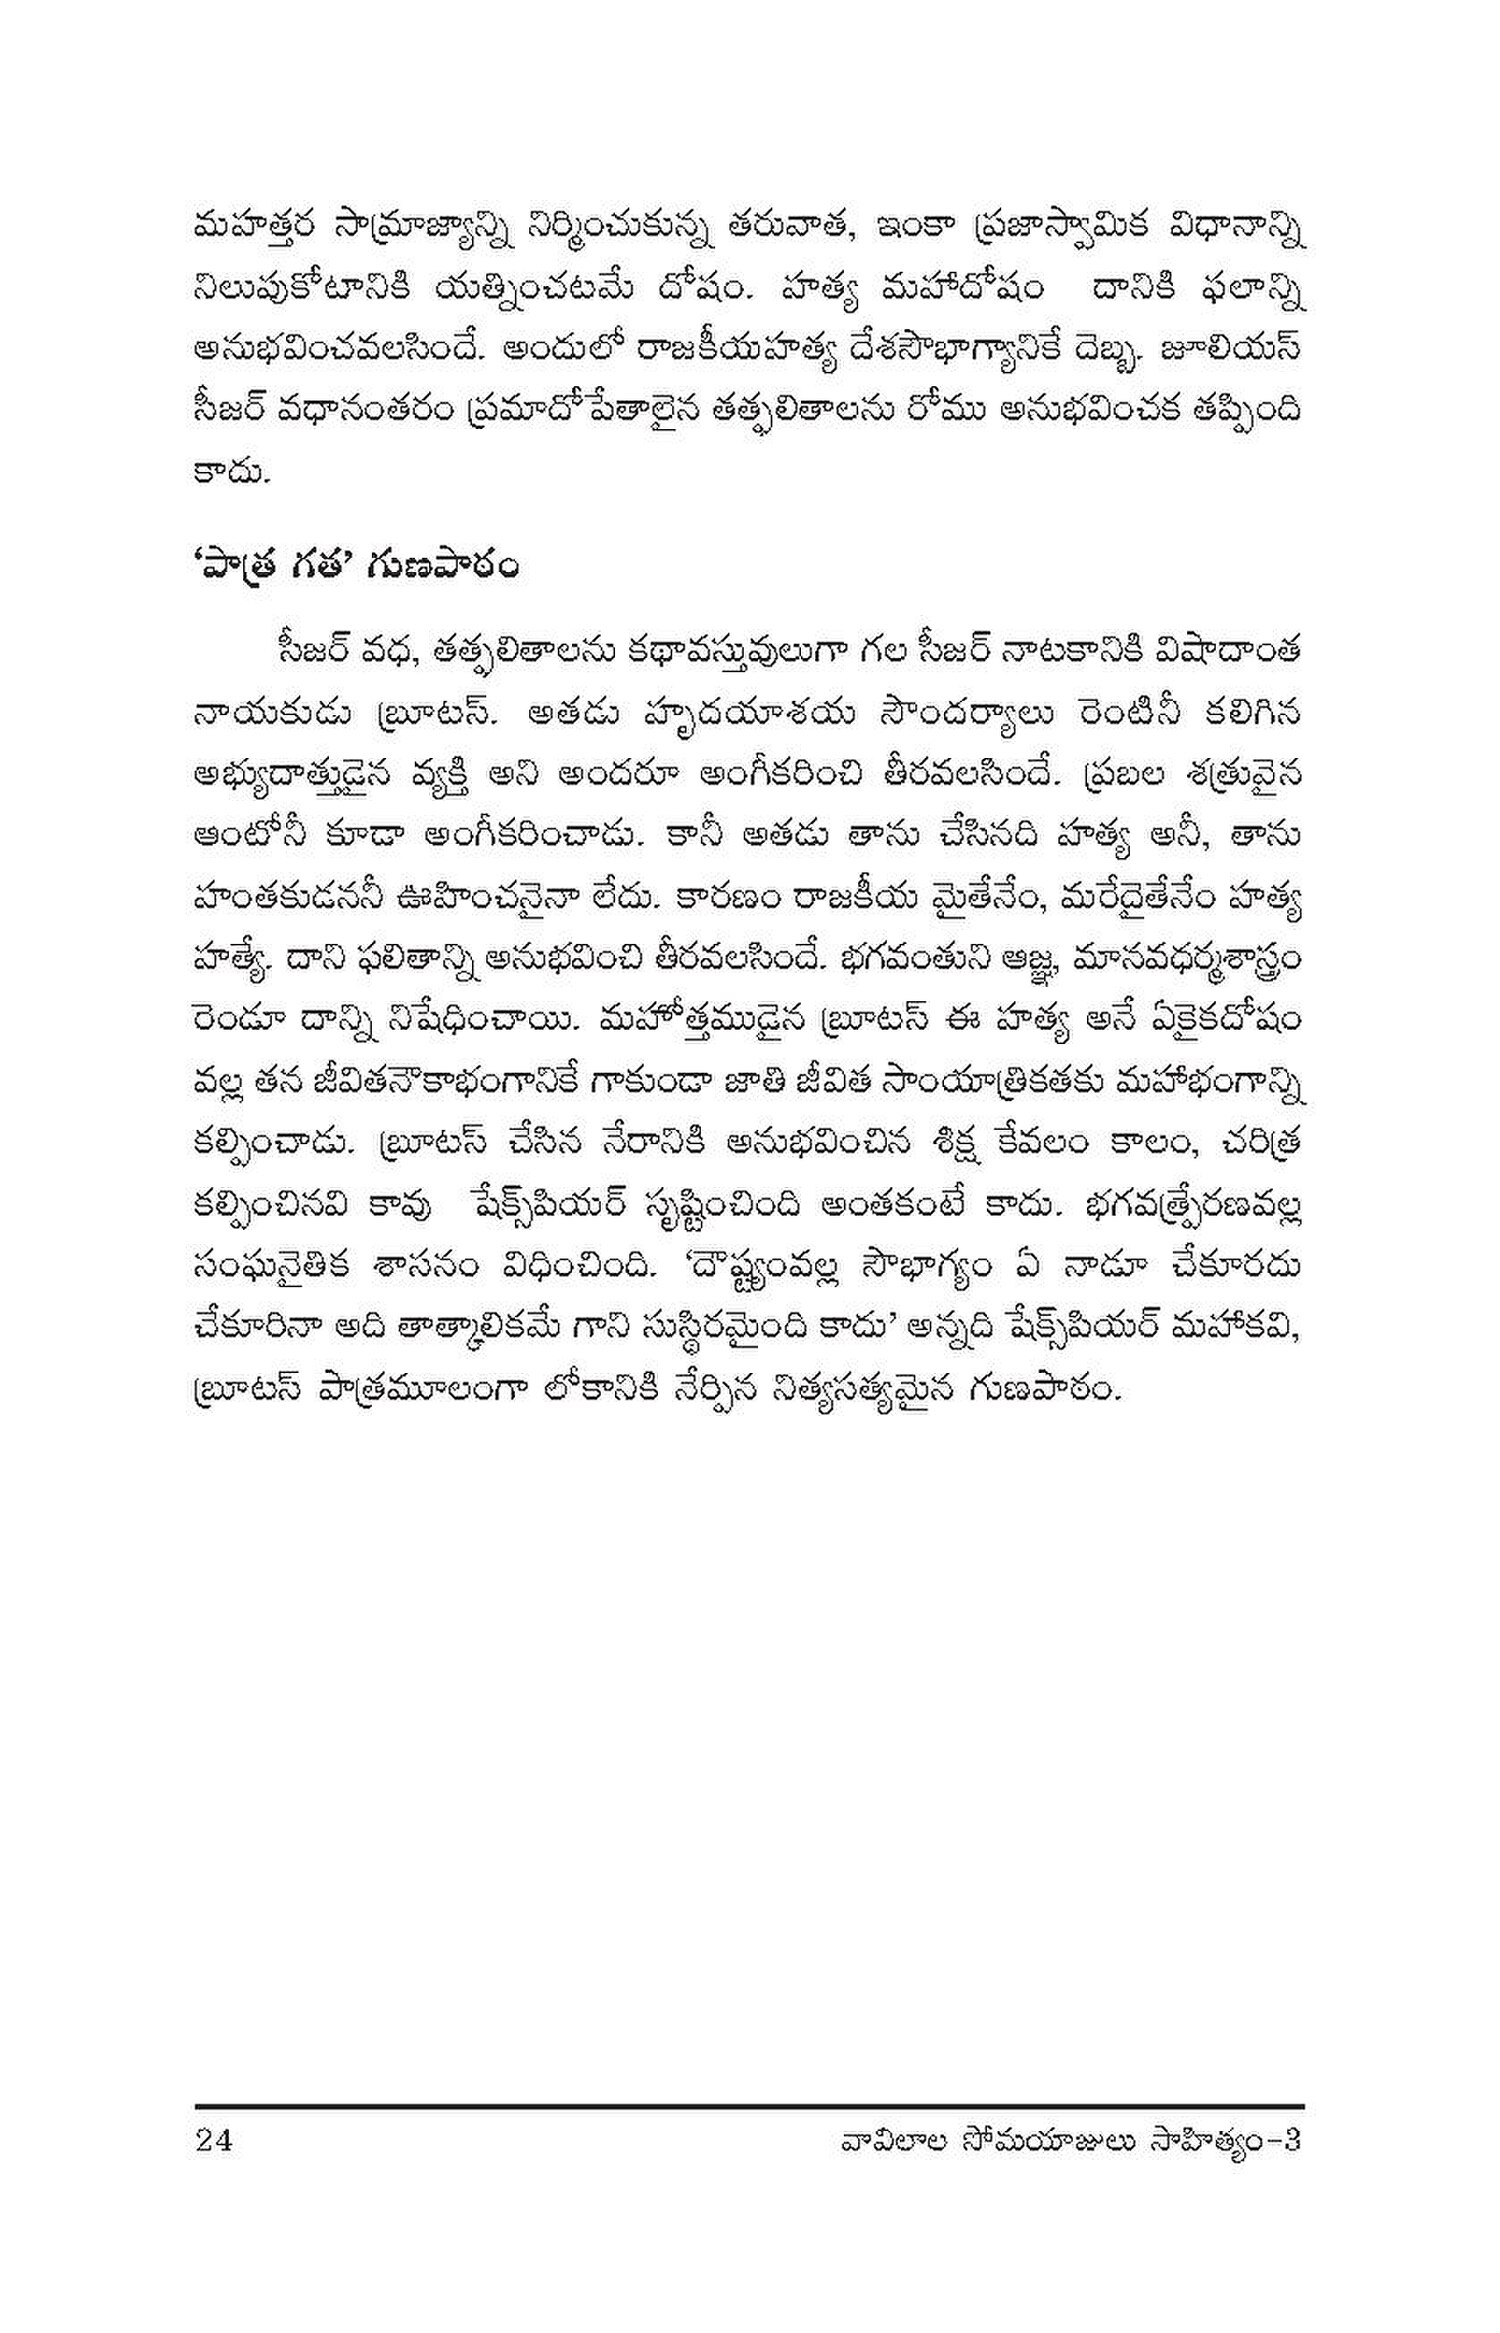మహత్తర సామ్రాజ్యాన్ని నిర్మించుకున్న తరువాత, ఇంకా ప్రజాస్వామిక విధానాన్ని నిలుపుకోటానికి యత్నించటమే దోషం. హత్య మహాదోషం దానికి ఫలాన్ని అనుభవించవలసిందే. అందులో రాజకీయహత్య దేశసౌభాగ్యానికే దెబ్బ. జూలియస్
సీజర్ వధానంతరం ప్రమాదోపేతాలైన తత్ఫలితాలను రోము అనుభవించక తప్పింది కాదు.

సీజర్ వధ, తత్ఫలితాలను కథావస్తువులుగా గల సీజర్ నాటకానికి విషాదాంత నాయకుడు బ్రూటస్. అతడు హృదయాశయ సౌందర్యాలు రెంటినీ కలిగిన అభ్యుదాత్తుడైన వ్యక్తి అని అందరూ అంగీకరించి తీరవలసిందే. ప్రబల శత్రువైన ఆంటోనీ కూడా అంగీకరించాడు. కానీ అతడు తాను చేసినది హత్య అనీ, తాను హంతకుడననీ ఊహించనైనా లేదు. కారణం రాజకీయ మైతేనేం, మరేదైతేనేం హత్య హత్యే. దాని ఫలితాన్ని అనుభవించి తీరవలసిందే. భగవంతుని ఆజ్ఞ, మానవ ధర్మశాస్త్రం రెండూ దాన్ని నిషేధించాయి. మహోత్తముడైన బ్రూటస్ ఈ హత్య అనే ఏకైకదోషం వల్ల తన జీవితనౌకా భంగానికే గాకుండా జాతి జీవిత సాంయాత్రికతకు మహాభంగాన్ని కల్పించాడు. బ్రూటస్ చేసిన నేరానికి అనుభవించిన శిక్ష కేవలం కాలం, చరిత్ర కల్పించినవి కావు షేక్స్పియర్ సృష్టించింది అంతకంటే కాదు. భగవత్ప్రేరణవల్ల సంఘనైతిక శాసనం విధించింది. 'దౌష్ట్యంవల్ల సౌభాగ్యం ఏ నాడూ చేకూరదు చేకూరినా అది తాత్కాలికమే గాని సుస్థిరమైంది కాదు' అన్నది షేక్స్పియర్ మహాకవి, బ్రూటస్ పాత్రమూలంగా లోకానికి నేర్పిన నిత్యసత్యమైన గుణపాఠం.